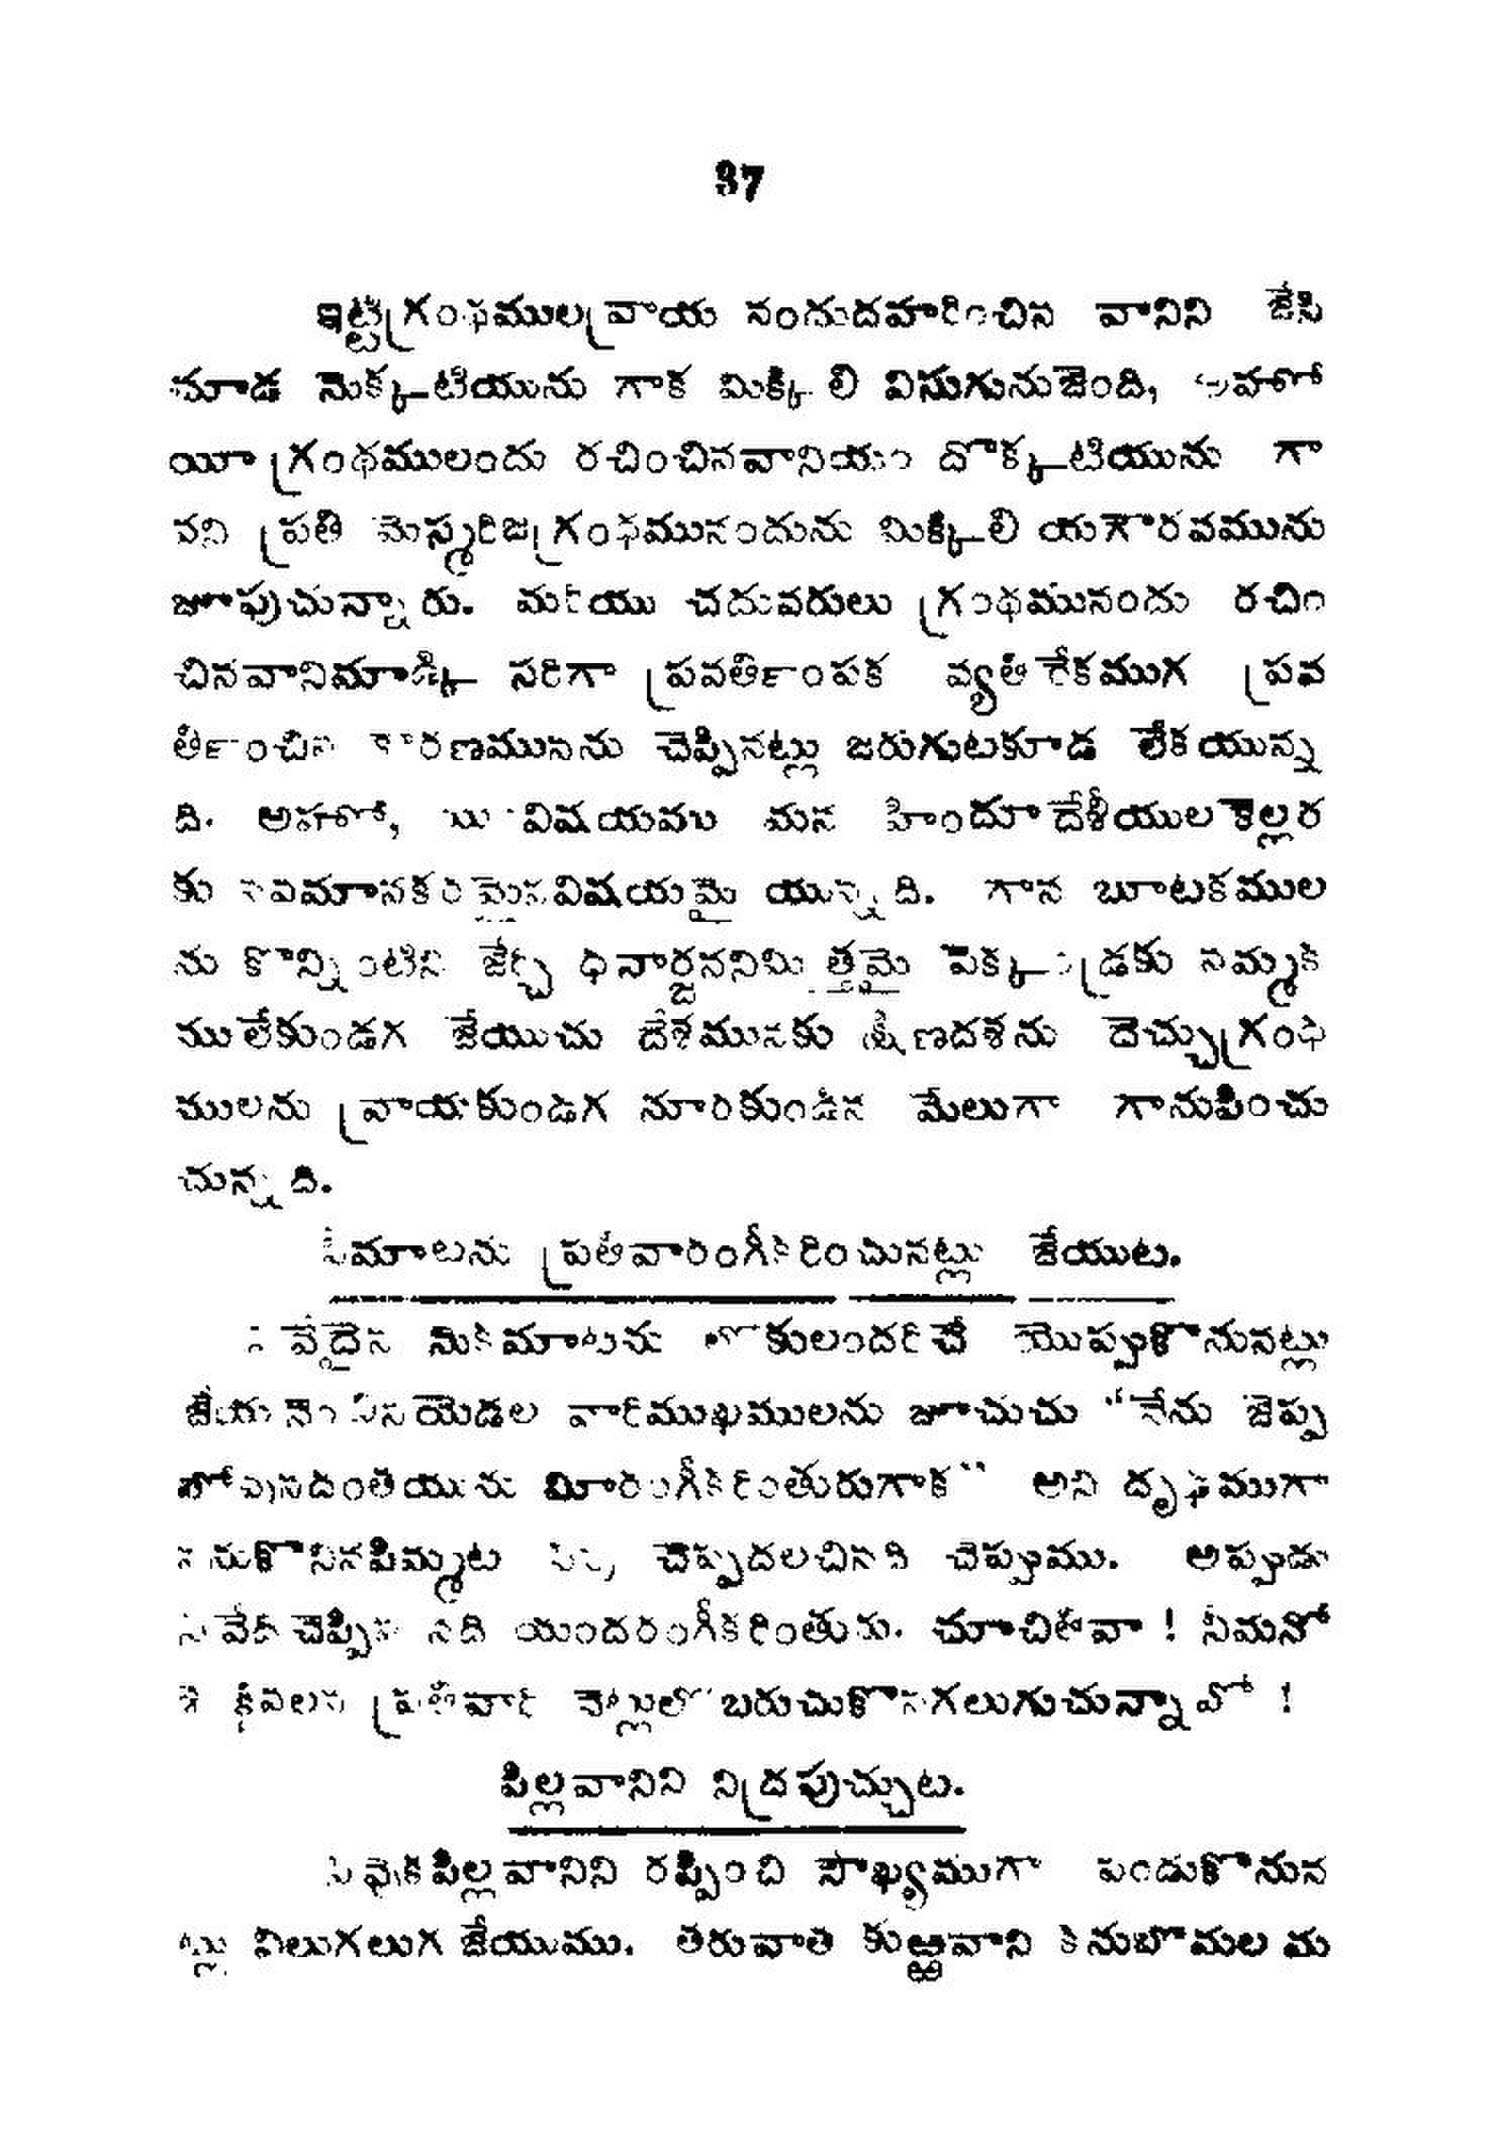ఇట్టి గ్రంథములవ్రాయ నందుదహరించిన వానిని జేసిచూడ నొక్కటియును గాక మిక్కిలి విసుగునుజెంది, అహో యీ గ్రంథములందు రచించినవానియం దొక్కటియును గావని ప్రతి మెస్మరిజగ్రంధమునందును మిక్కిలి యగౌరవమును జూపుచున్నారు. మరియు చదువరులు గ్రంథమునందు రచించినవానిమాడ్కి, సరిగా ప్రవతిన్ంపక వ్యతిరేకముగ ప్రవతిన్ంచిన కారణమునను చెప్పినట్లు జరుగుటకూడ లేకయున్నది. అహో, యీవిషయము మన హిందూదేశీయులకెల్లరకు నవమానకరమైనవిషయమై యున్నది. గాన బూటకములను కొన్నింటిని జేర్చి ధనార్జననిమిత్తమై పెక్కండ్రకు సమ్మకములేకుండగ జేయుచు దేశమునకు క్షీణదశను దెచ్చుగ్రంధములను వ్రాయకుండగ నూరకుండిన మేలుగా గానుపించు చున్నది.

నీవేదైన నొకమాటను లోకులందరిచే యొప్పుకొనునట్లు జేయనెంచినయెడల వారిముఖములను జూచుచు “నేను జెప్పబోవునదంతయును మీరంగీకరింతురుగాక" అని దృఢముగా ననుకొనినపిమ్మట నీవు చెప్పదలచినది చెప్పుము. అప్పుడు నీవేదిచెప్పిన నది యందరంగీకరింతును. చూచితివా ! నీమనోశక్తివలన ప్రతివారి నెట్లులోబరుచుకొనగలుగుచున్నావో !

నీవొకపిల్లవానిని రప్పించి సౌఖ్యముగా పండుకొనునట్లు వీలుగలుగజేయుము. తరువాత కుఱ్ఱవాని కనుబొమల మ